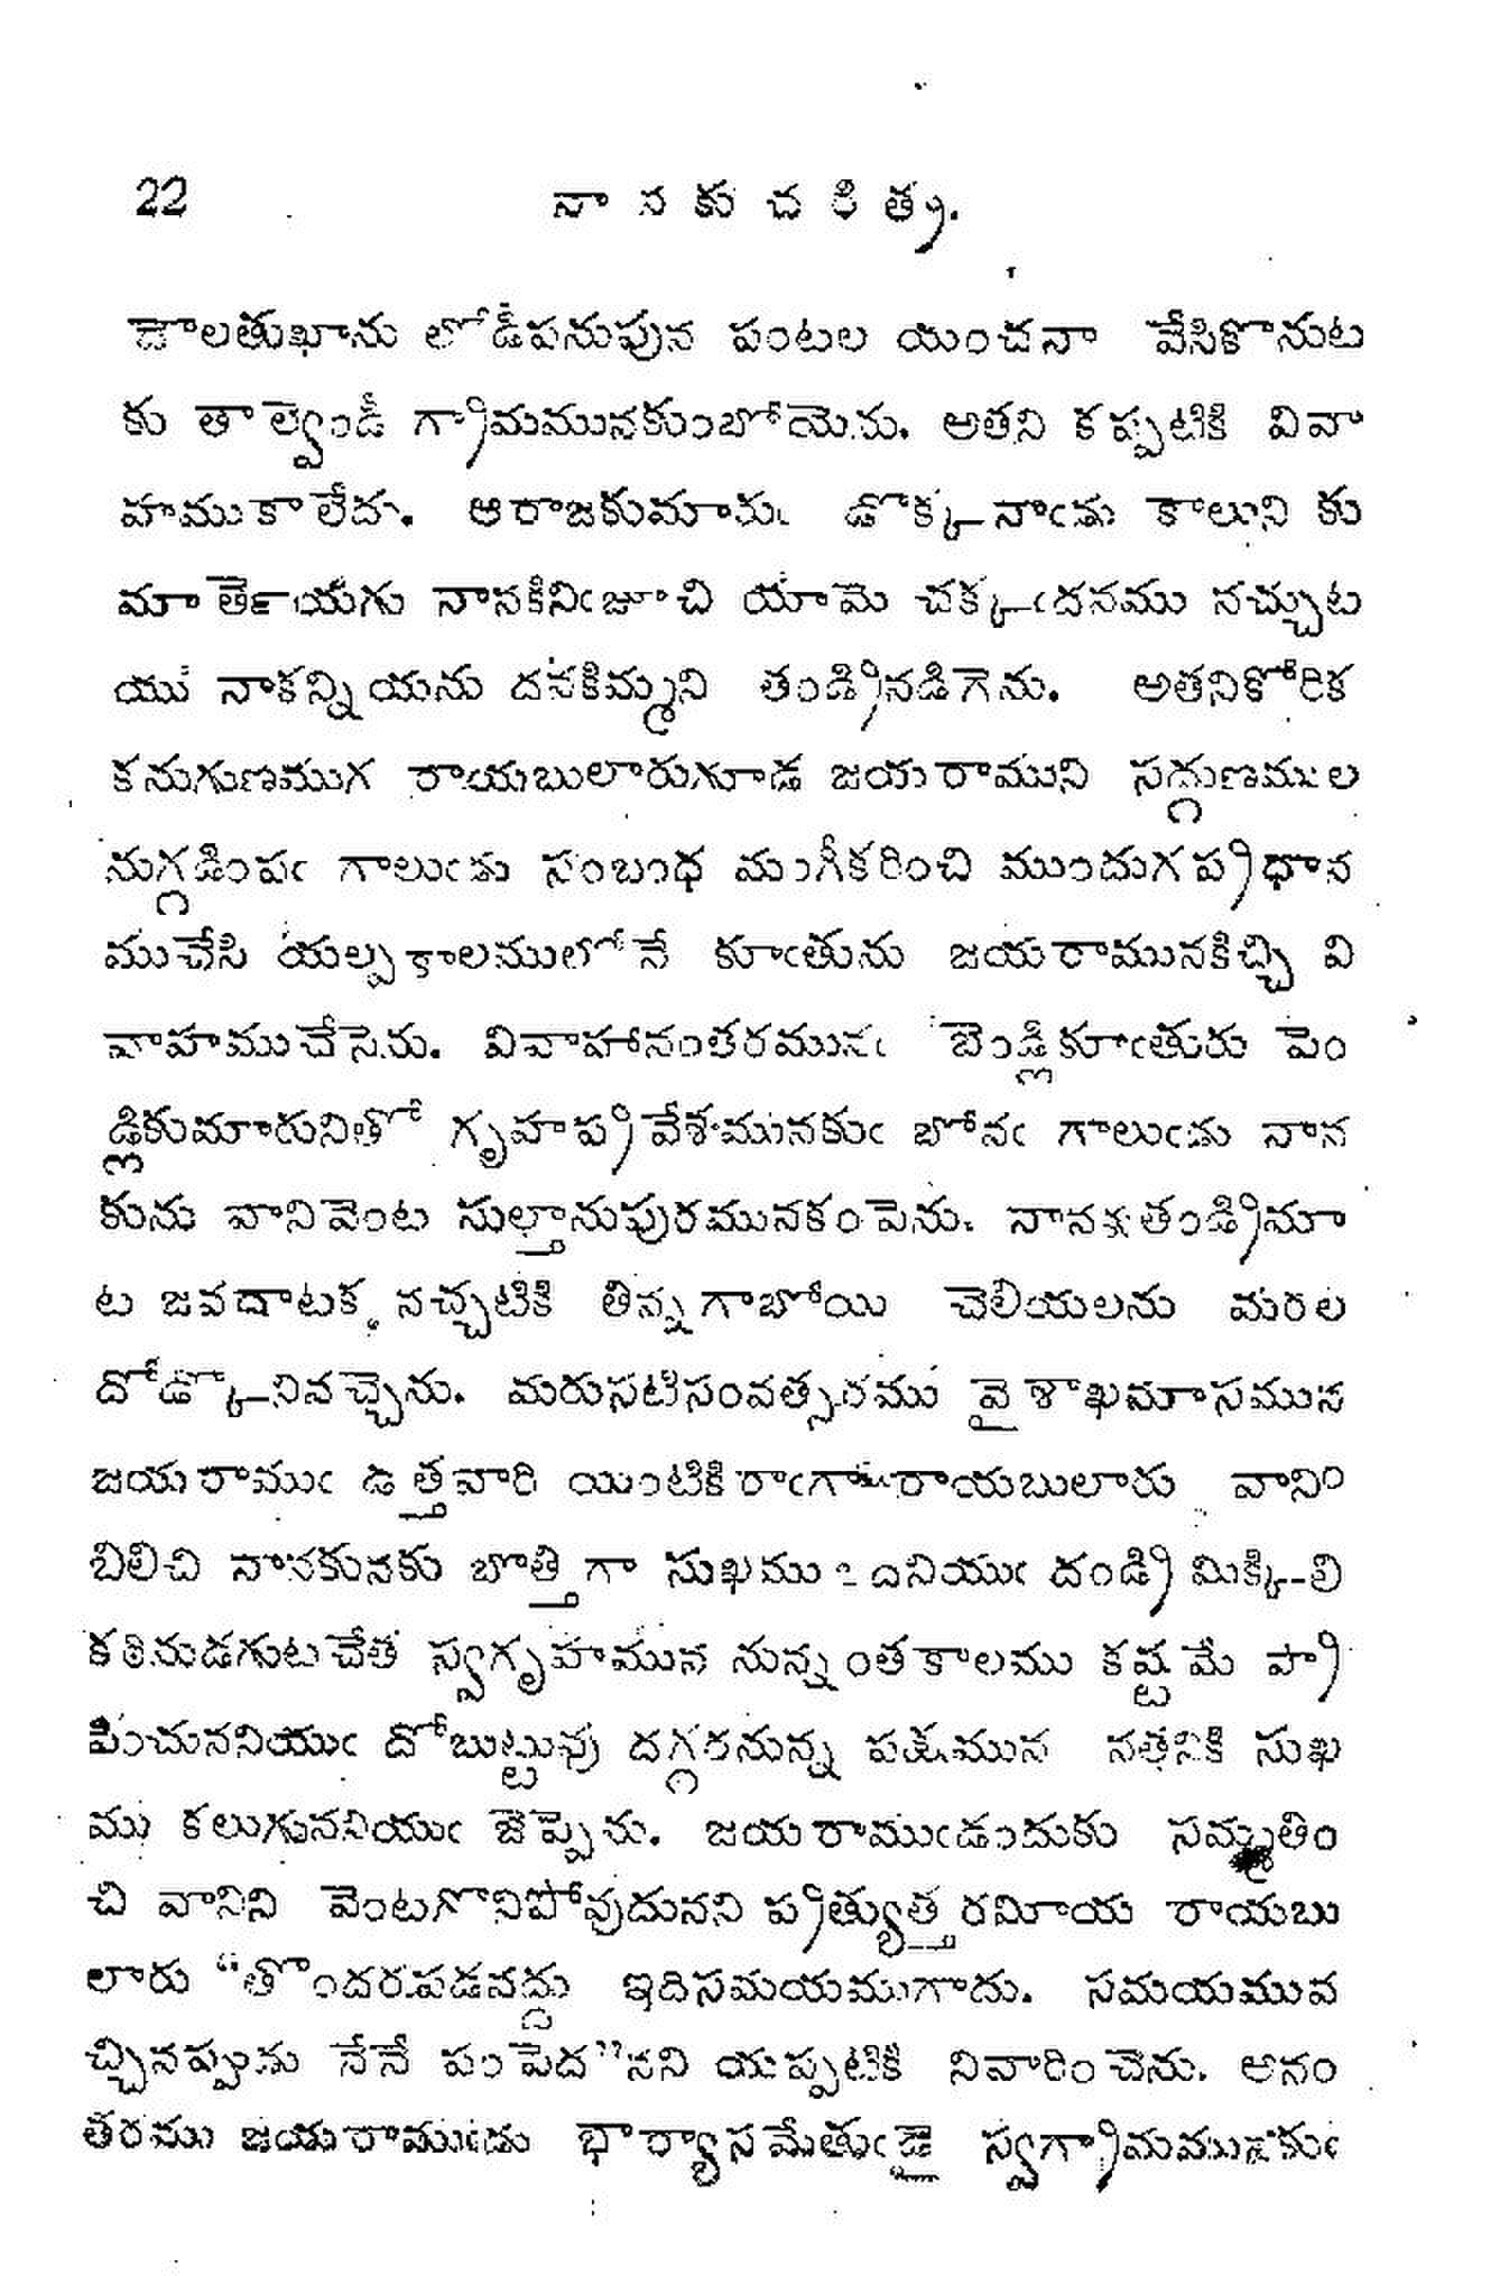దౌలతుఖాను లోడీపనుపున పంటల యంచనా వేసికొనుటకు తాల్వెండీ గ్రామమునకుంబోయెను. అతని కప్పటికి వివాహముకాలేదు. ఆరాజకుమారు డొక్కనాడు కాలుని కుమాతెన్‌యగు నానకినిజూచి యామె చక్కదనము నచ్చుటయు నాకన్నియను దనకిమ్మని తండ్రినడిగెను. అతనికోరిక కనుగుణముగ రాయబులారుగూడ జయరాముని సద్గుణముల నుగ్గడింప గాలుడు సంబంధ మంగీకరించి ముందుగప్రధానముచేసి యల్పకాలములోనే కూతును జయరామునకిచ్చి వివాహముచేసెను. వివాహానంతరమున బెండ్లికూతురు పెండ్లికుమారునితో గృహప్రవేశమునకు బోన గాలుడు నానకును వానివెంట సుల్తానుపురమునకంపెను. నానకుతండ్రిమాట జవదాటక నచ్చటికి తిన్నగాబోయి చెలియలను మరల దోడ్కొనివచ్చెను. మరుసటిసంవత్సరము వైశాఖమాసమున జయరాము డత్తవారి యింటికి రాగా రాయబులారు వానిం బిలిచి నానకునుకు బొత్తిగా సుఖములేదనియు దండ్రి మిక్కిలి కఠినుడగుటచేత స్వగృహమున నున్నంతకాలము కష్టమే ప్రాపించుననియు దోబుట్టువు దగ్గరనున్న పక్షమున నతనికి సుఖము కలుగుననియు జెప్పెను. జయరాముడందుకు సమ్మతించి వానిని వెంటగొనిపోవుదునని ప్రత్యుత్తరమీయ రాయబులారు "తొందరపడవద్దు ఇదిసమయముగాదు. సమయమువచ్చినప్పుడు నేనే పంపెద" నని యప్పటికి నివారించెను. అనంతరము జయరాముడు భార్యాసమేతుడై స్వగ్రామమునకు